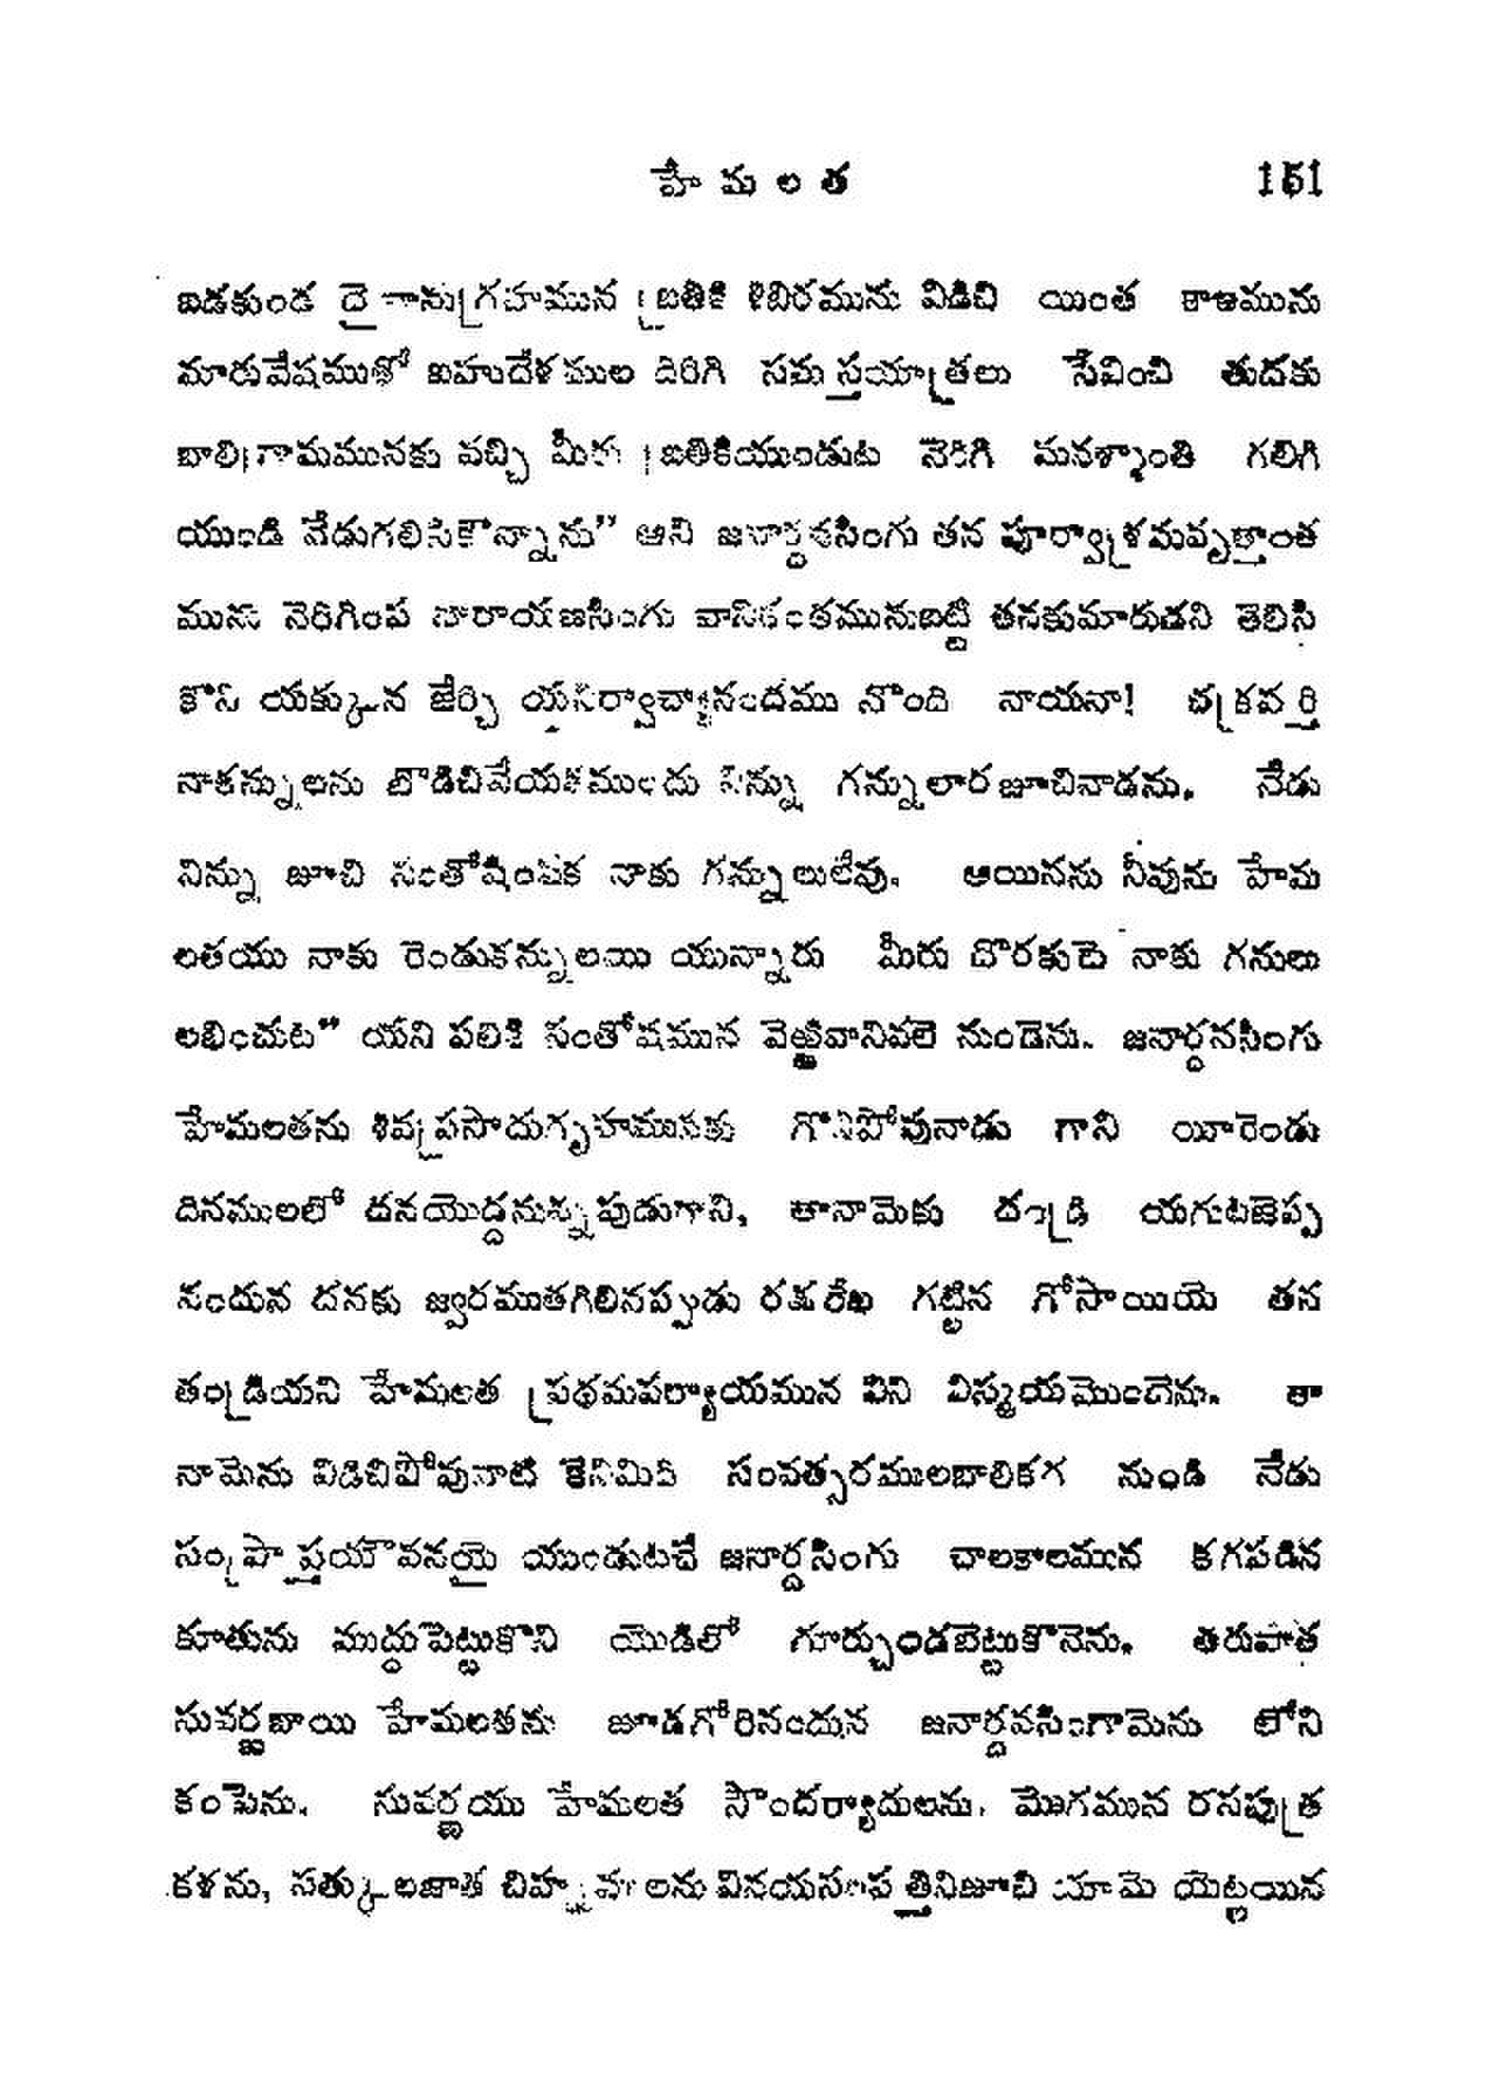బడకుండ దైవానుగ్రహమున బ్రతికి శిబిరమును విడిచి యింత కాలమును మారువేషముతో బహుదేశముల దిరిగి సమస్తయాత్రలు సేవించి తుదకు బాలిగ్రామమునకు వచ్చి మీరు బ్రతికియుండుట నెరిగి మనశ్శాంతి గలిగి యుండి నేడుగలిసికొన్నాను” అని జనార్ధనసింగు తన పూర్వాశ్రమవృత్తాంతమును నెరిగింప నారాయణసింగు వానికంఠమును బట్టి తనకుమారుడని తెలిసికొని యక్కున జేర్చి యనిర్వాచ్యానందము నొంది. నాయనా! చక్రవర్తి నాకన్నులను బొడిచివేయకముందు నిన్ను గన్నులార జూచినాడను. నేడు నిన్ను జూచి సంతోషింపక నాకు గన్నులు లేవు. అయినను నీవును హేమ లతయు నాకు రెండుకన్నులయి యున్నారు. మీరు దొరకుటె నాకు గనులు లభించుట” యని పలికి సంతోషమున వెఱ్ఱివానివలె నుండెను. జనార్ధనసింగు హేమలతను శివప్రసాదుగృహమునకు గొనిపోవునాడు గాని యీరెండు దినములలో దనయొద్దనున్నపుడుగాని, తానామెకు దండ్రి యగుటజెప్ప నందున దనకు జ్వరము తగిలినప్పుడు రక్షరేఖ గట్టిన గోసాయియే తన తండ్రియని హేమలత ప్రథమపర్యాయమున విని విస్మయమొందెను. తానామెను విడిచిపోవు నాటి కెనిమిది సంవత్సరముల బాలికగ నుండి నేడు సంప్రాప్తయౌవనయై యుండుటచే జనార్ధ సింగు చాలకాలమున కగపడిన కూతును ముద్దు పెట్టుకొని యొడిలో గూర్చుండబెట్టుకొనెను. తరువాత సువర్ణ బాయి హేమలతను జూడగోరినందున జనార్ధనసింగామెను లోని కంపెను. సువర్ణయు హేమలత సౌందర్యాదులను, మొగమున రసపుత్ర కళను, సత్కులజాత చిహ్నములను వినయసంపత్తినిజూచి యామె యెట్లయిన